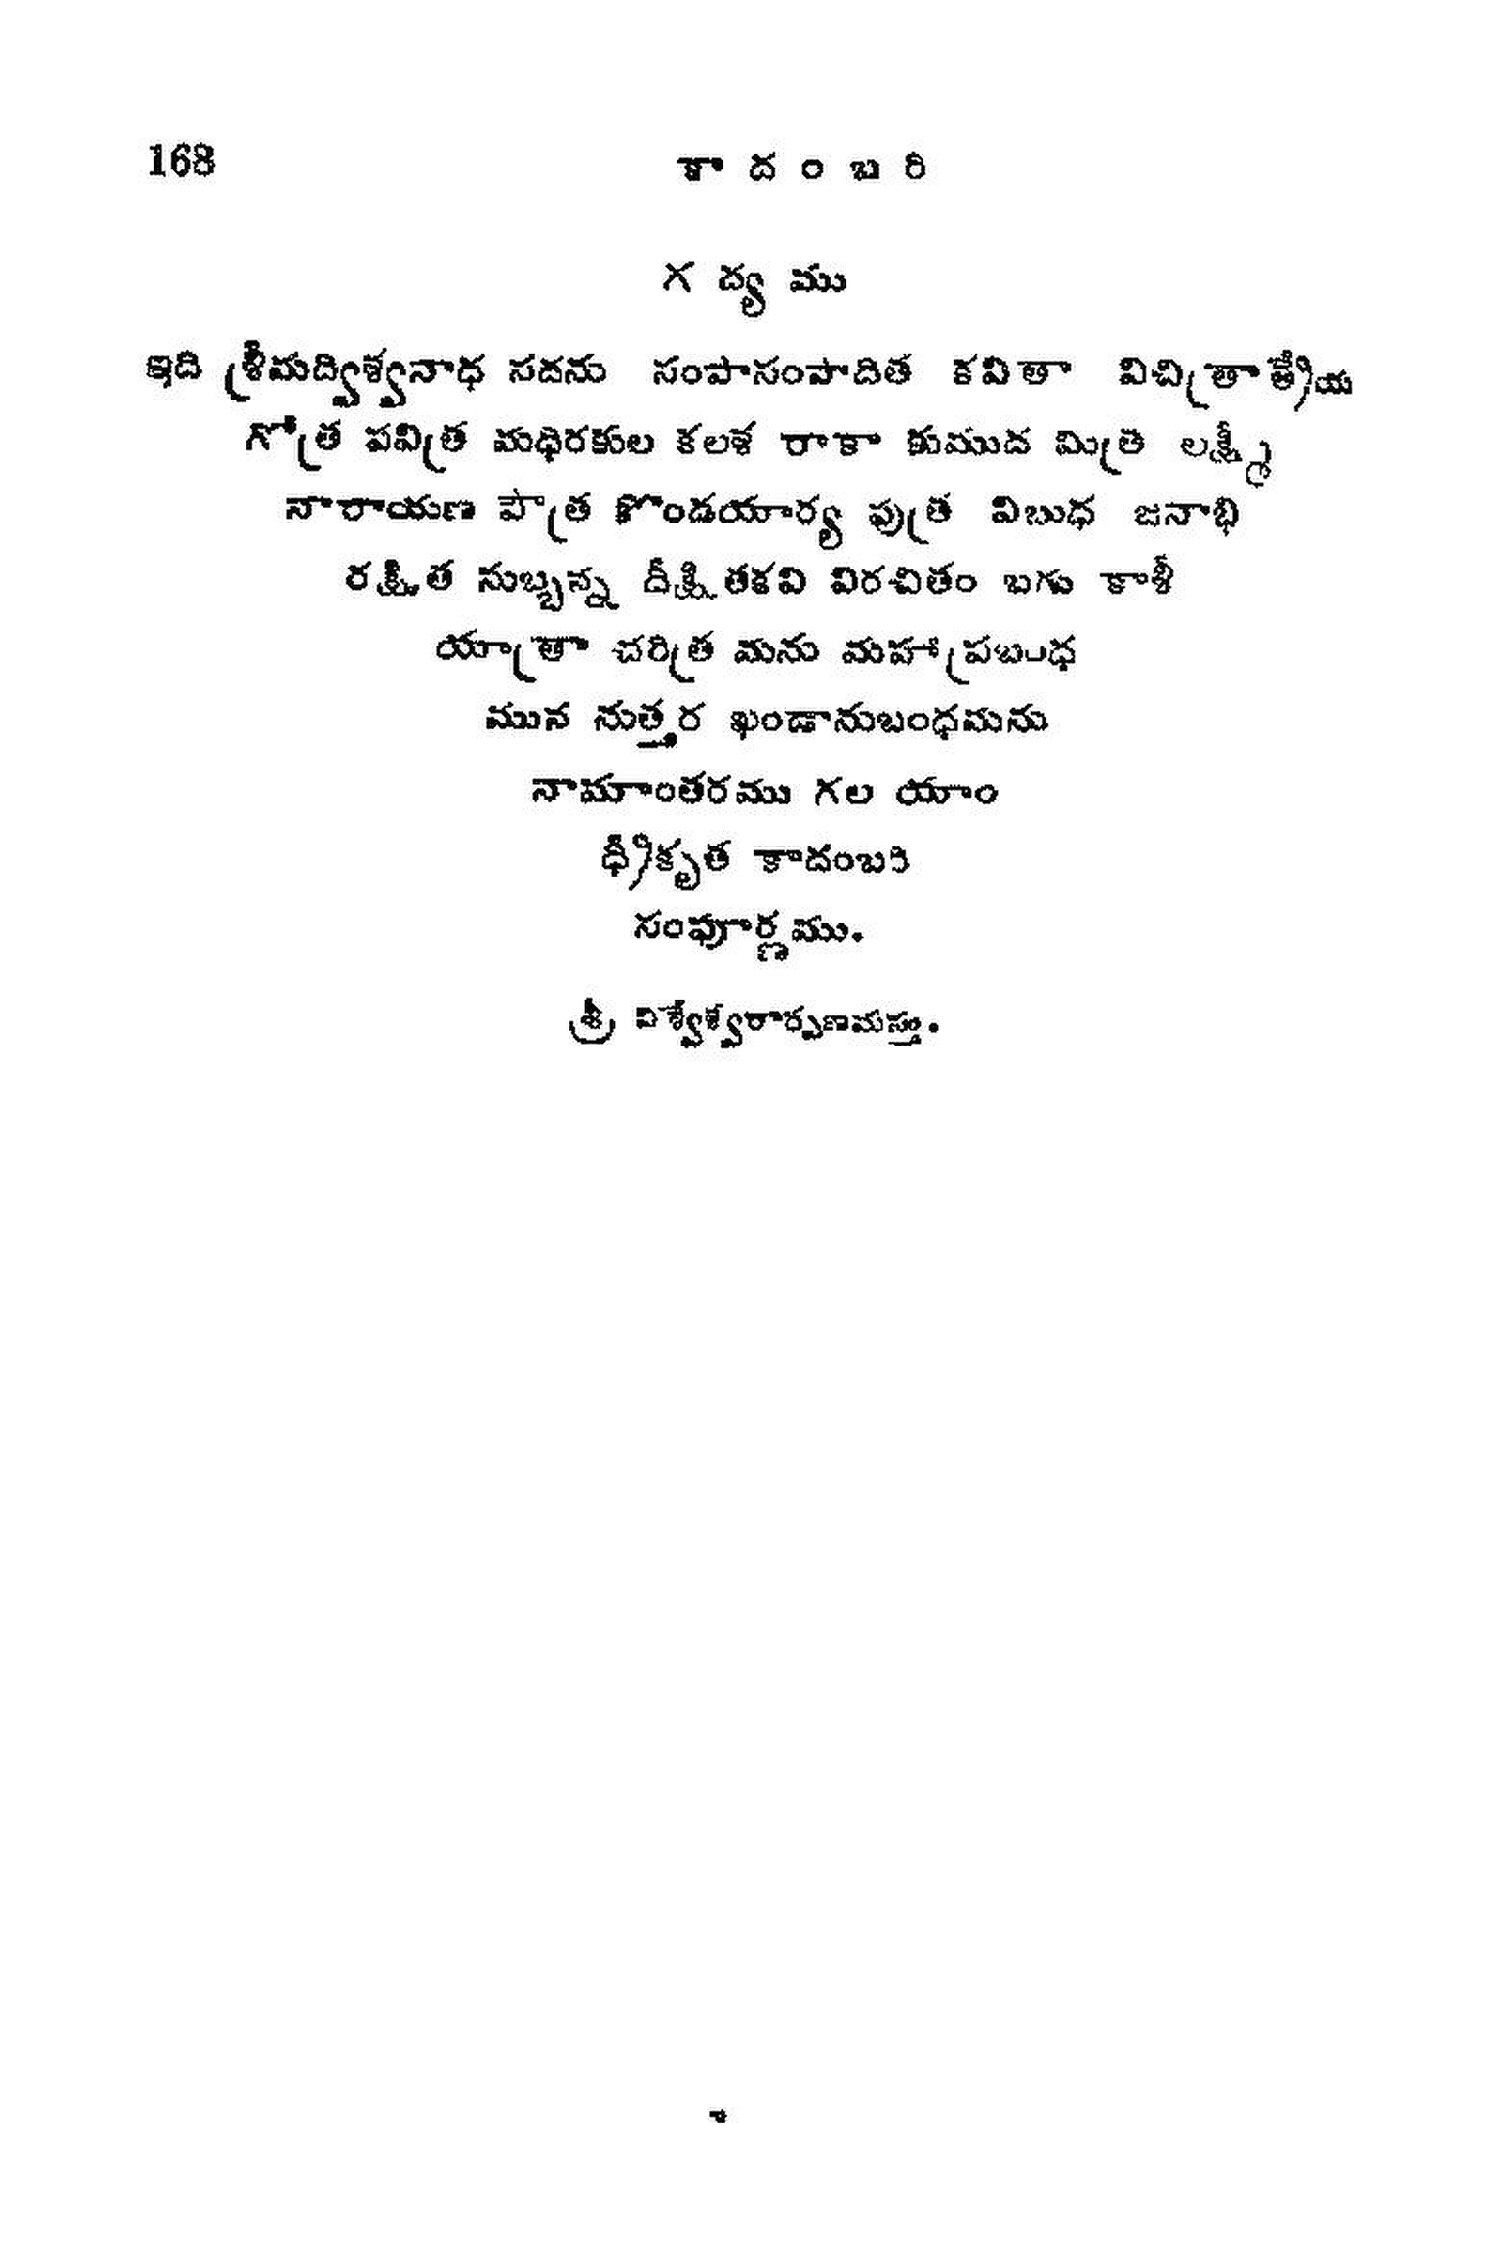గద్యము

ఇది శ్రీమద్విశ్వనాధ సదను సంపాసంపాదిత కవితా విచిత్రాత్రేయ
గోత్ర పవిత్ర మధిరకుల కలశ రాకా కుముద మిత్ర లక్ష్మీ
నారాయణ పౌత్ర కొండయార్య పుత్ర విబుధ జనాభి
రక్షిత సుబ్బన్న దీక్షితకవి విరచితం బగు కాశీ
యాత్రా చరిత్ర మను మహాప్రబంధ
మున నుత్తర ఖండానుబంధమను
నామాంతరము గల యాం
ధ్రీకృత కాదంబరి
సంపూర్ణము.
శ్రీ విశ్వేశ్వరార్పణమస్తు.